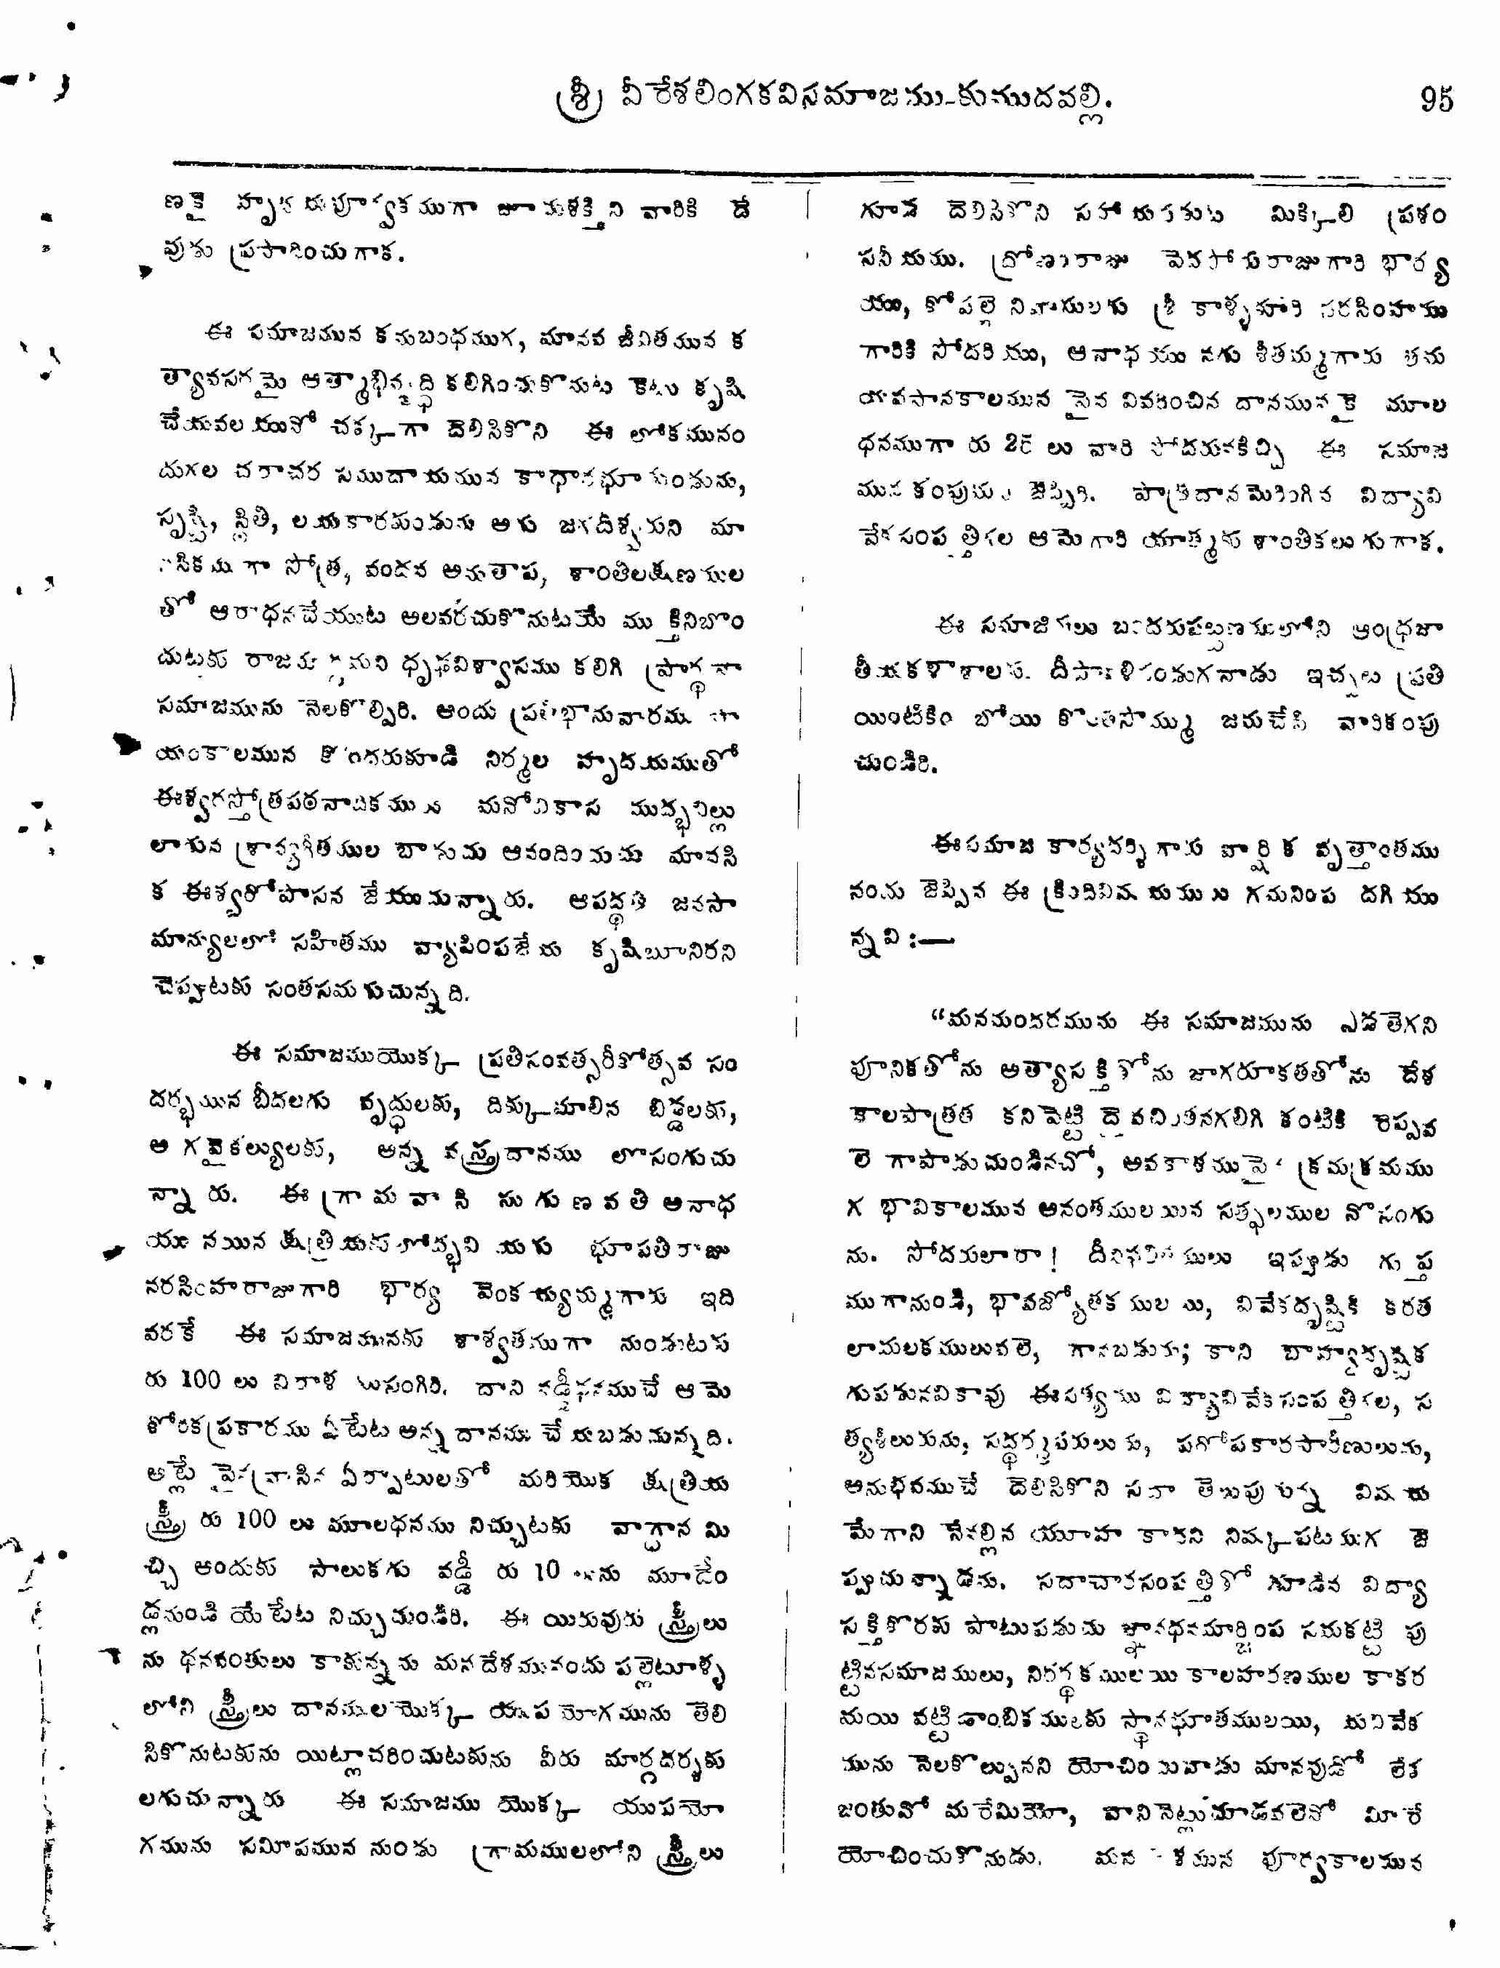ణకై హృదయపూర్వకముగా జూచుశక్తిని వారికి దేవుడు ప్రసాదించుగాక,

ఈ సమాజమున కనుబంధముగ, మానవ జీవితమువ కత్యావసరమై ఆత్మాభివృద్ధి కలిగించుకొనుట కెటు కృషి
చేయవల మనో చక్కగా దెలిసికొని ఈ లోకమునందుగల చరాచర సముదాయమున కాధారభూతుండును,
సృష్టి, స్థితి, లయ కారకుడుకు అరు జగదీశ్వరుని మా
వాసికము గా సోత్ర, వండవ అనుతాప, శాంతిలక్షణములతో ఆరాధన చేయుట అలవరచుకొనుటయే ముక్తిని బొందుటకు రాజమార్గమని ధృఢవిశ్వాసము కలిగి ప్రార్థనా 
సమాజమును నెలకొల్పిరి. అందు ప్రతిభానువారము సాయంకాలమున కొందరుకూడి నిర్మల హృదయముతో
ఈశ్వరస్తోత్ర పఠనాదికమున మనోవికాస ముద్భవిల్లులాగున శ్రావ్యగీతముల బాగుకు ఆనందింనుచు మానసిక ఈశ్వరోపాసన జేయునున్నారు. ఆపద్ధతి జనసామాన్యులలో సహితము వ్యాపింపజేయు కృషి బూనిరని
చెప్పుటకు సంతసమగుచున్నది.

ఈ సమాజముయొక్క ప్రతిసంవత్సరీకోత్సవ సందర్భమున బీదలగు వృద్దులకు, దిక్కుమాలిన బిడ్డలకు, ఆంగవైకల్యులకు, అన్న వస్త్రదానము లొసంగుచున్నారు.
ఈ గ్రామవాసి సుగుణవతి అనాధయః నయిన క్షత్రియకులోద్భవి యగు భూపతి రాజు
క్షత్రియకులోద్భవి యగు 
నరసింహరాజు గారి భార్య వెంకయ్యమ్మగారు ఇది
వరకే ఈ సమాజమునకు శాశ్వతముగా నుండుటకు 
రు 100 లు విరాళ మొసంగిరి. దాని వడ్డీ ధనముచే ఆమె
కోరిక ప్రకారము ఏపేట అన్న దానము చేయబడుచున్నది.
అట్లే పైన వ్రాసిన ఏర్పాటులతో మరియొక క్షత్రియ
స్త్రీ రు 100 ల మూలధనము నిచ్చుటకు వాగ్దాన మిచ్చి అందుకు సాలుకగు వడ్డీ రు 10 లను మూడేండ్లనుండి యేటేట నిచ్చుకుండిరి. ఈ యిరువురు
స్త్రీలును ధనవంతులు కాకున్నను మన దేశమునందు పల్లెటూళ్ళ
లోని స్త్రీలు దానముల యొక్క యపయోగమును తెలిసికొనుటకును యిట్లాచరించుటకును వీరు మార్గ దర్శకులగుచున్నారు. ఈ సమాజము యొక్క యుపయోగమును సమీపమున నుండు గ్రామములలోని స్త్రీలు 
గూడ దెలిసికొని సహాయపకుట మిక్కిలి ప్రశంసనీయము. ద్రోణంరాజు పెదసోమరాజు గారి భార్య
యణ, కోపల్లె నివాసులకు శ్రీ కాళ్ళకూరి సరసింహము
గారికి సోదరియు, ఆనాధయునగు శీతమ్మగారు తమ యవసానకాలమున పైన వివరించిన దానమున్నకై మూల
ధనముగా రు 25లు వారి సోదరునకిచ్చి ఈ సమాజమునకంపుమని జెప్పిరి. పాత్రదానమెరింగిన విద్యావివేకసంపత్తిగల ఆమెగారి యాత్మకు శాంతికలుగుగాక,

ఈ సమాజికులు బందరుపట్టణములోని ఆంధ్రజాతీయకళాశాలకు, దీపాళిపండుగనాడు ఇచ్చట ప్రతి యింటికింబోయి కొంతసొమ్ము జమచేసి వారికంపుచుండిరి. ఈసమాజ కార్యదర్శి గారు వార్షిక వృత్తాంతమునందు జెప్పిన ఈ క్రిందివిషయములు గమనింప దగియున్నవి:-
“మనమందరమును ఈ సమాజమును ఎడతెగని
పూనికతోను అత్యాసక్తితోను జాగరూకతతోను దేశకాల పాత్రత కనిపెట్టి దైవచింతనగలిగి కంటికి రెప్పవలె గాపాడుచుండినచో, అవకాశముపై క్రమక్రమముగ భావికాలమున అనంతములయిన సత్ఫలముల నొసంగును. సోదరులారా! దీనిఫలితములు ఇప్పుడు గుప్తముగానుండి, భావజ్యోతకములు, వివేకదృష్టికి కరతలామలకములుపలె, గానబడును; కాని బాహ్యదృష్టికగుపడునవి కావు ఈసత్యము విద్యా వివేక సంపత్తిగల, సత్యశీలురును, సద్ధర్మపరులుకు, పరోపకారపారీణులును, అనుభవముచే దెలిసికొని సదాతెలుపుకున్న విషయమేగాని నేవల్లిన యూహ కాదని నిష్కపటముగ జెప్పుచున్నాడను, సదాచార సంపత్తితో కూడిన విద్యాసక్తికొరకు పాటుపడుచు జ్ఞానధనమార్జింప సమకట్టి పుట్టినసమాజములు, నిరర్థకముల కాలహరణముల కాకరమయి వట్టి డాంబికములకు స్థానభూతములయి, యవివేకమును నెలకొల్పునని యోచించువాడు మానవుడో లేక
జంతువో మరేమియో, వాని నెట్లుచూడవలెనో మీరే
యోచించుకొనుడు, మనదేశమున పూర్వకాలమున